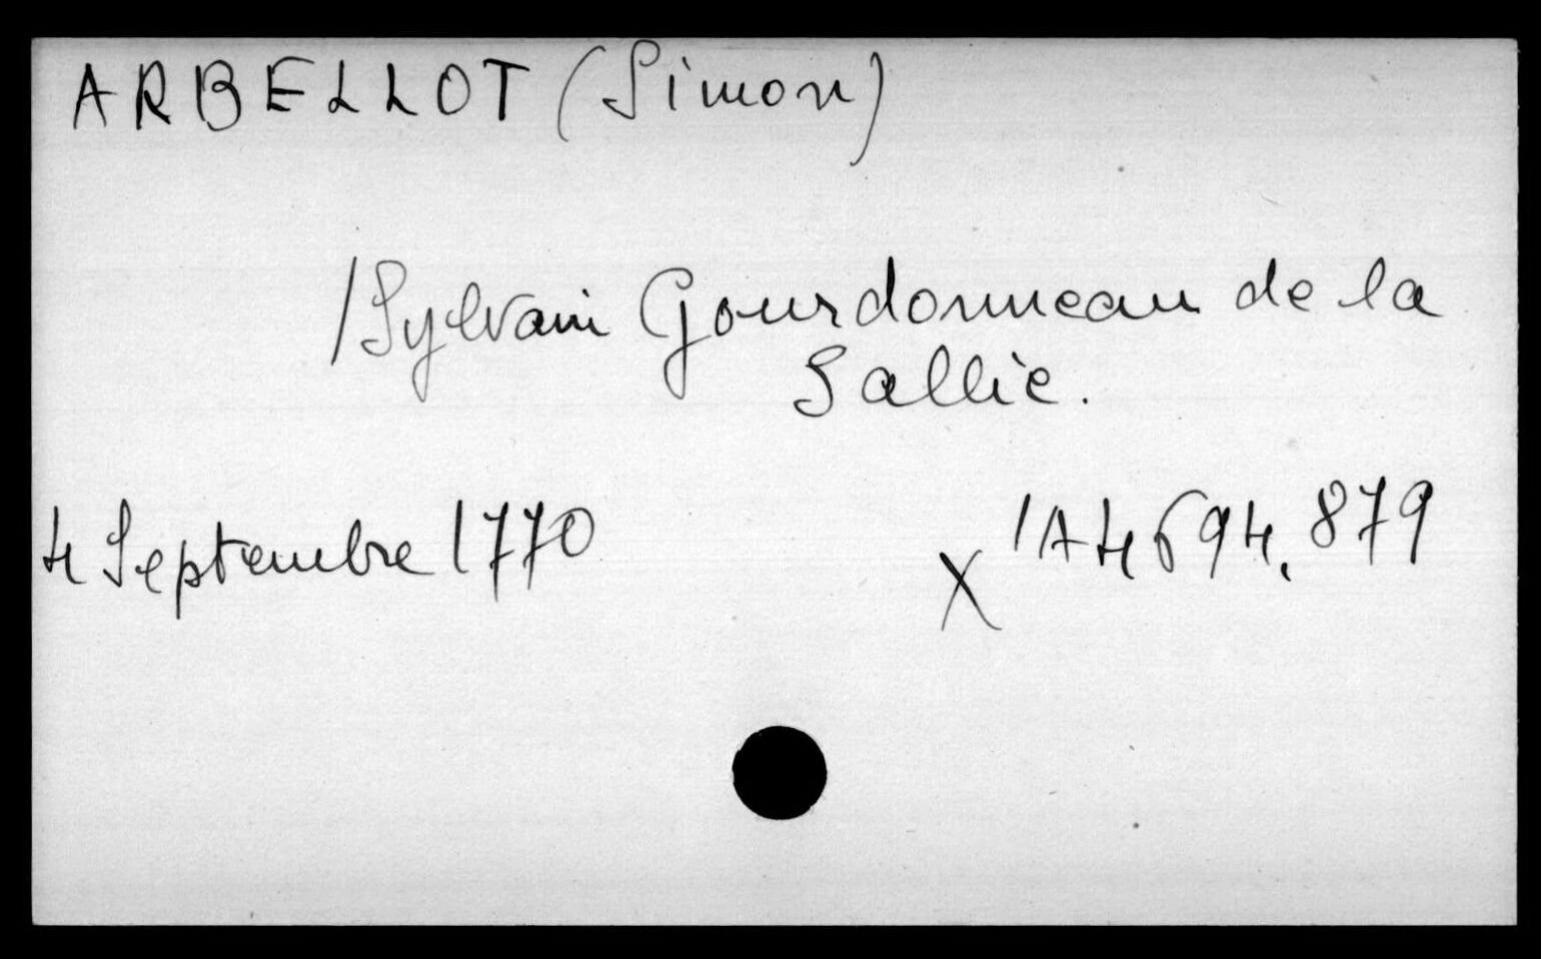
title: ARBELLOT (Simon)
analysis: Contre Sylvain Gourdonneau de la sallie
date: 4 septembre 1770
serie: X1A
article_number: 4694
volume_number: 879
